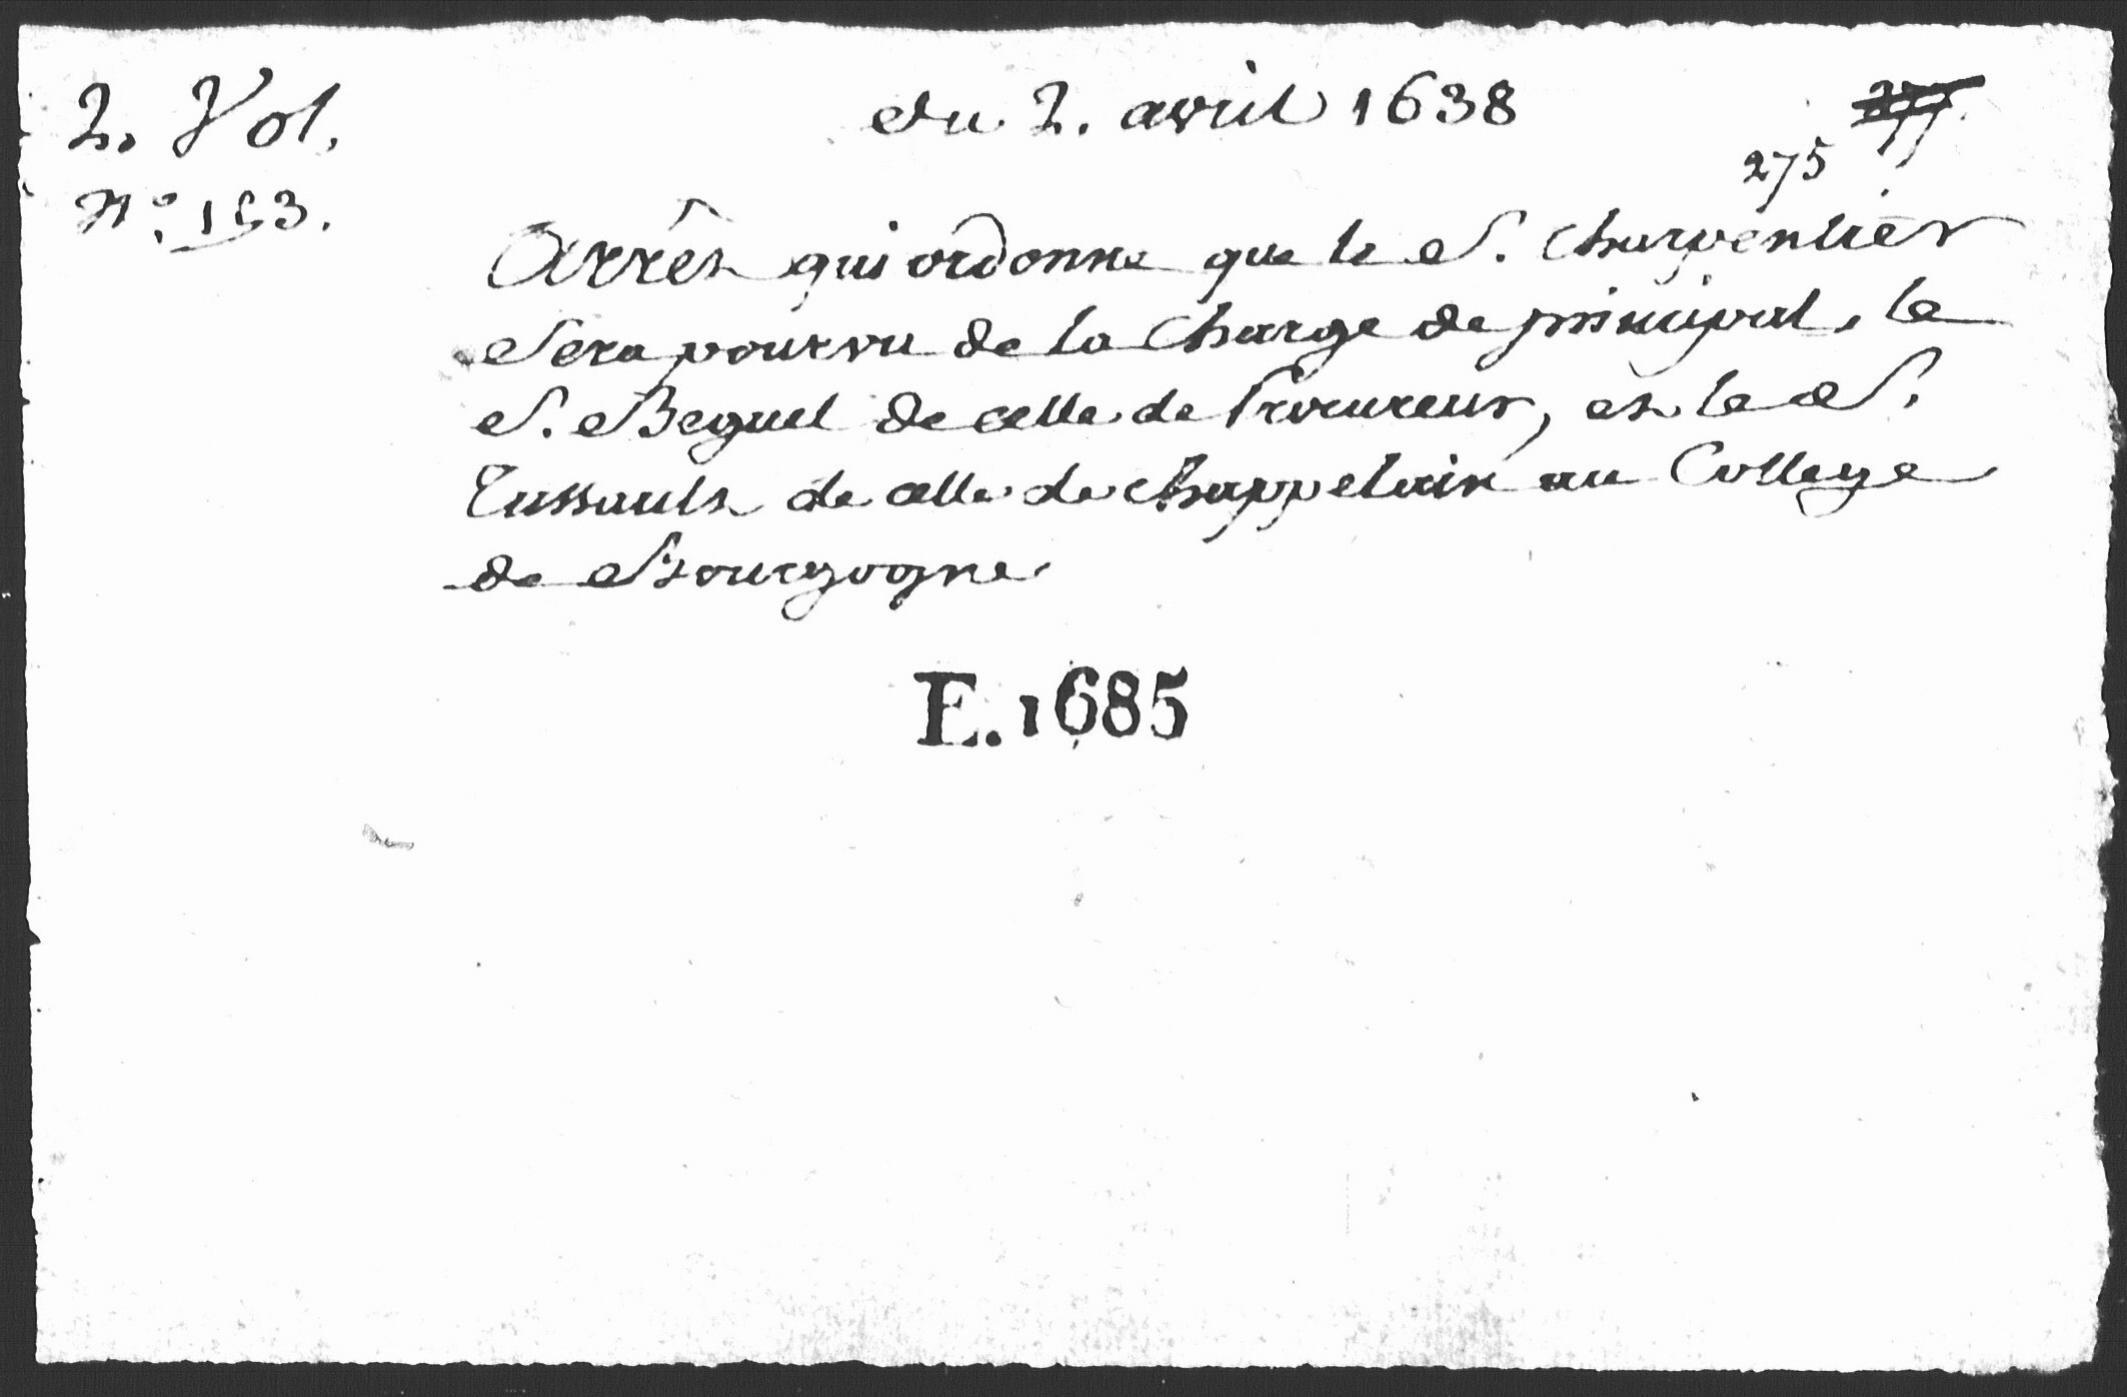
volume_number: n°153
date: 2 avril 1638
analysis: [277 barré] 275
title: Arrêt qui ordonne que le S. Charpentier sera pourvu de la charge de principal, le S. Begnel de celle de Procureur, et le S. Tussault de celle de chappelain au college de Bourgogne
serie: E
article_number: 1685
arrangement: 2. vol.
